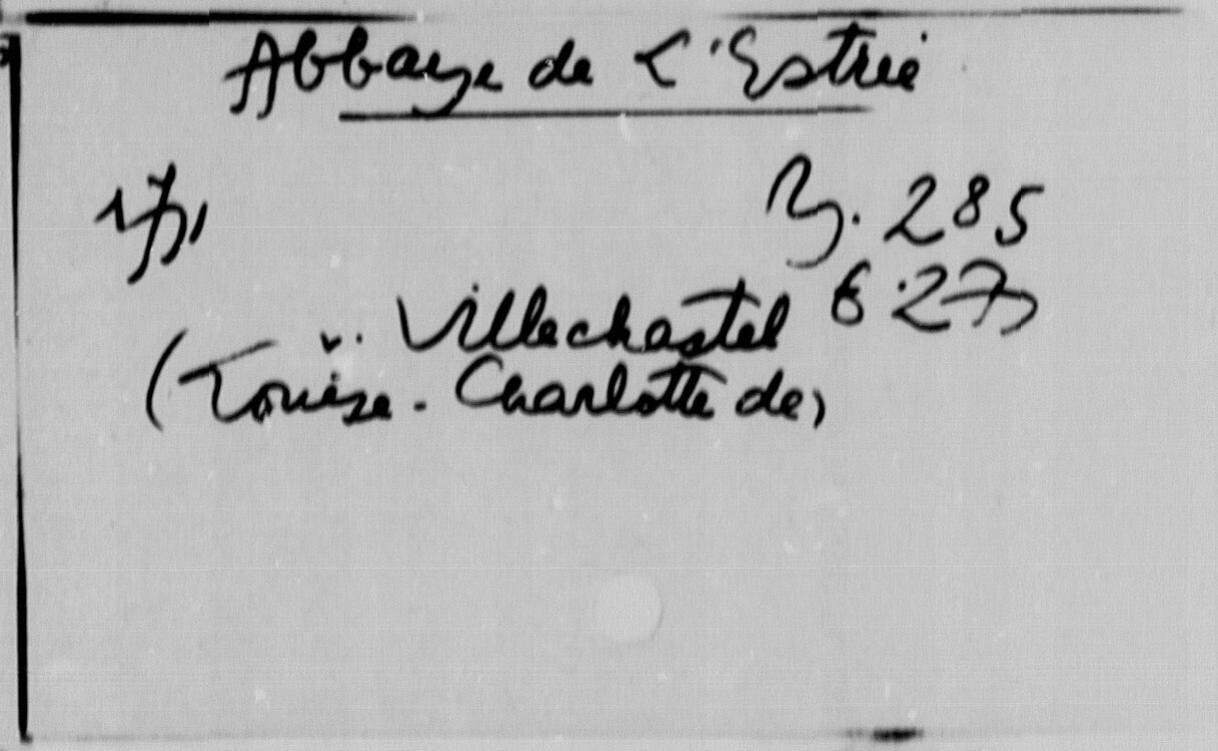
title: Abbaye de l'Estrée
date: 1701
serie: Y
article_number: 285
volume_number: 270
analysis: Voir VILLECHASTEL (Louise-Charlotte de)
